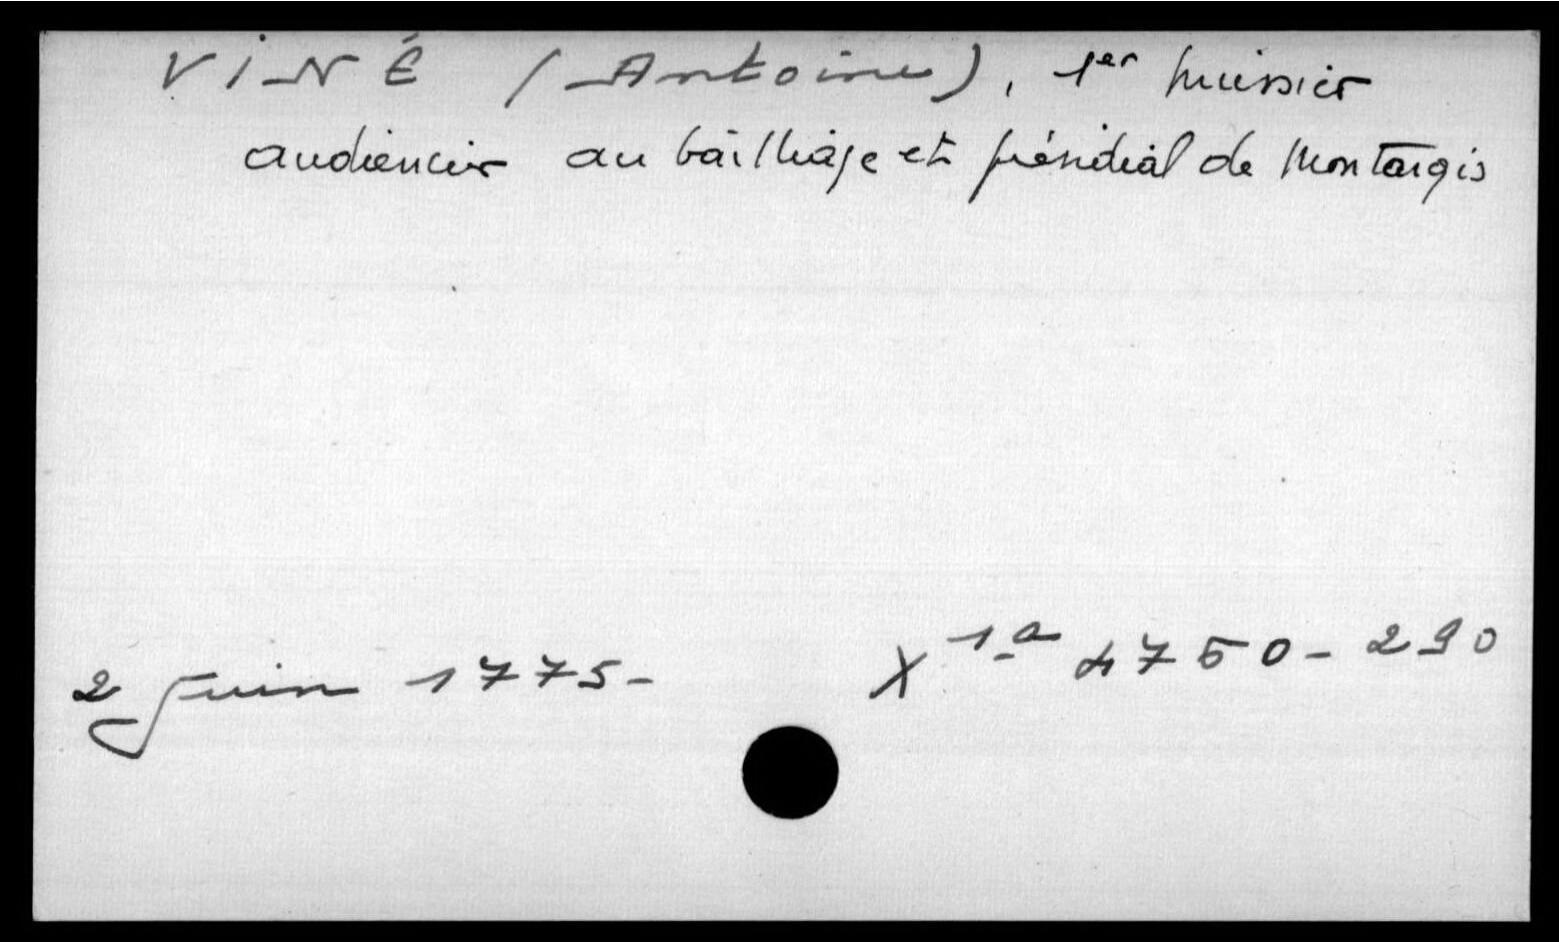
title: VINÉ (Antoine), 1er huissier audiencier au bailliage et présidial de Montargis
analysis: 2 juin 1775
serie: X1a
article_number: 4760
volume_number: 230
